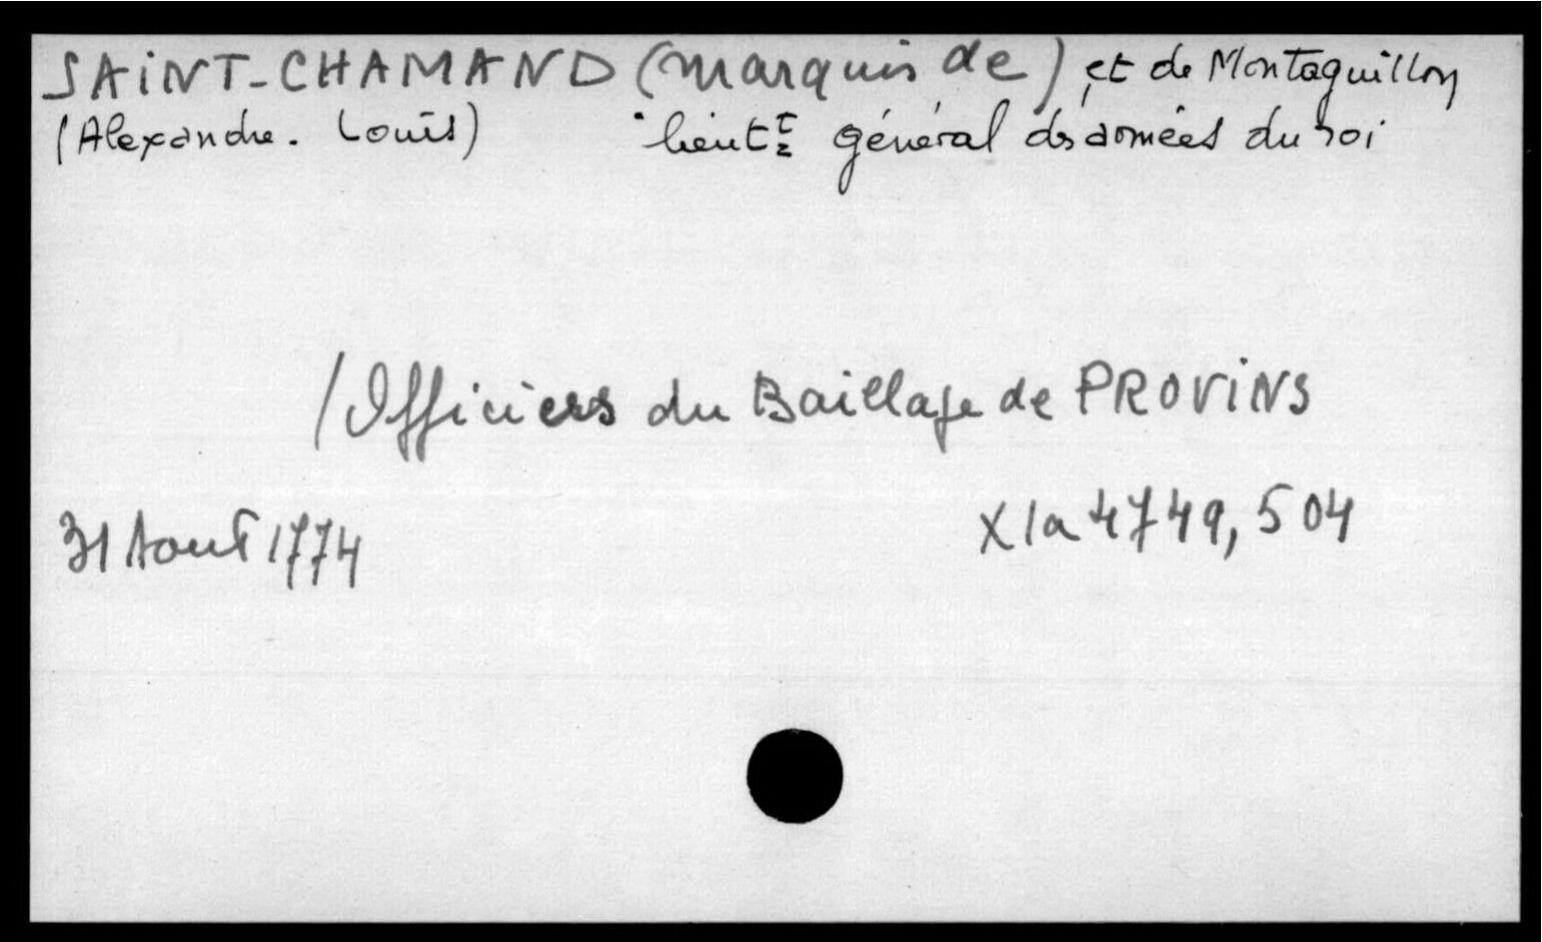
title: SAINT-CHAMAND (Marquis de), et de Montaguillon (Alexandre-Louis) lieutenant général des armées du roi
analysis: Contre Officiers du Baillage de PROVINS
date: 31 août 1774
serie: X1a
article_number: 4749
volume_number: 504
